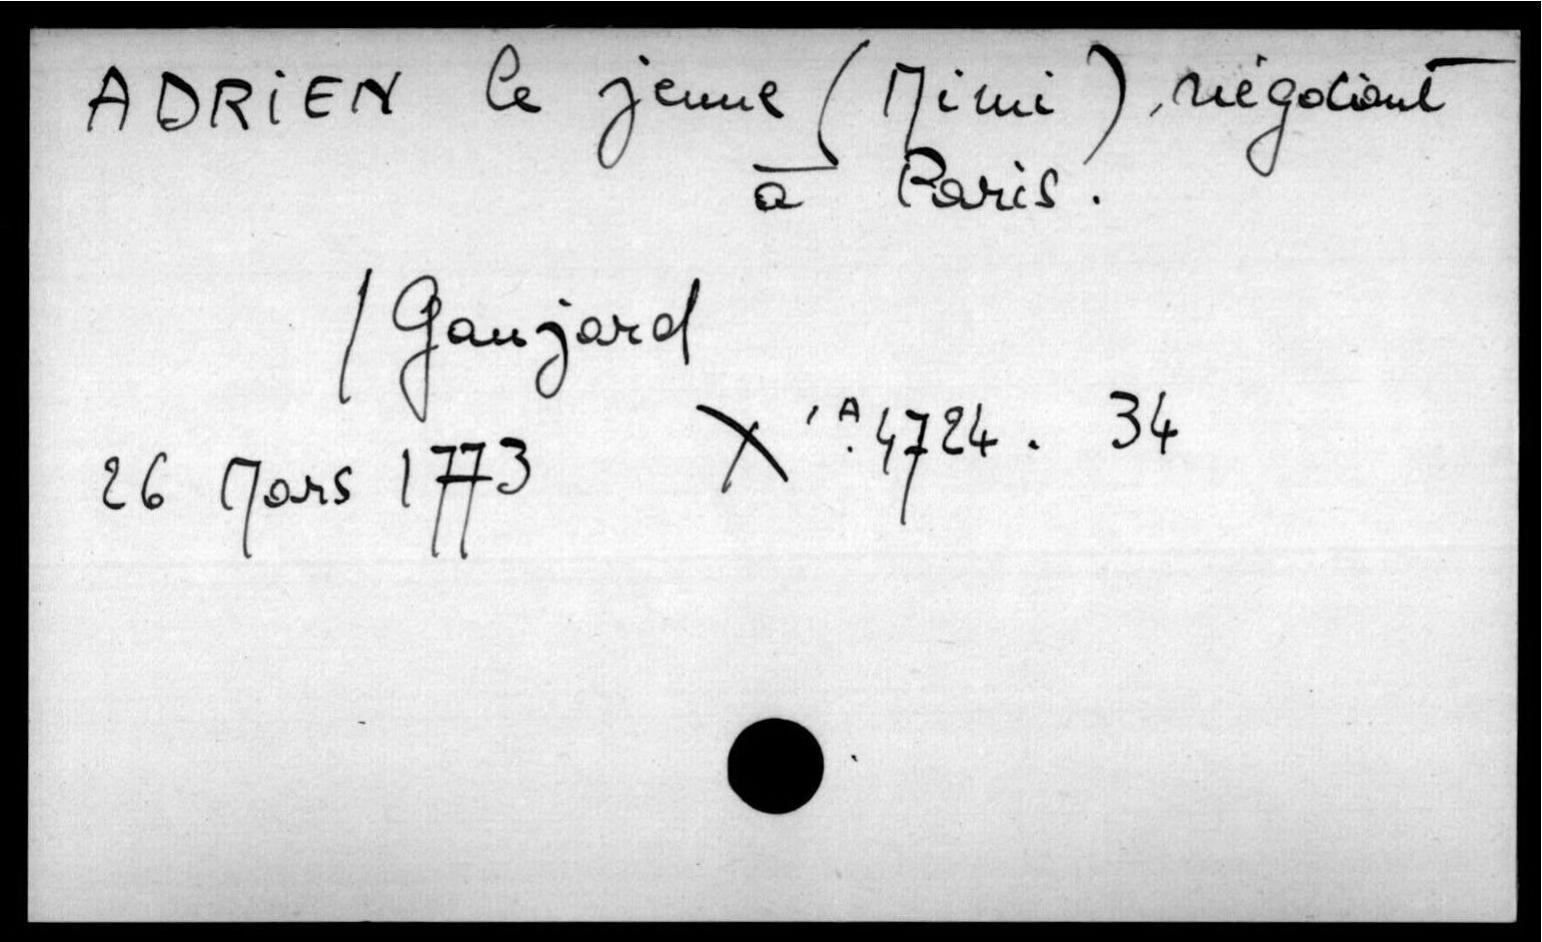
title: ADRIEN le jeune(Mimi), négociant à Paris.
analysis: Contre Gaujard
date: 26 mars 1773
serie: X1A
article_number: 4724
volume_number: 34
